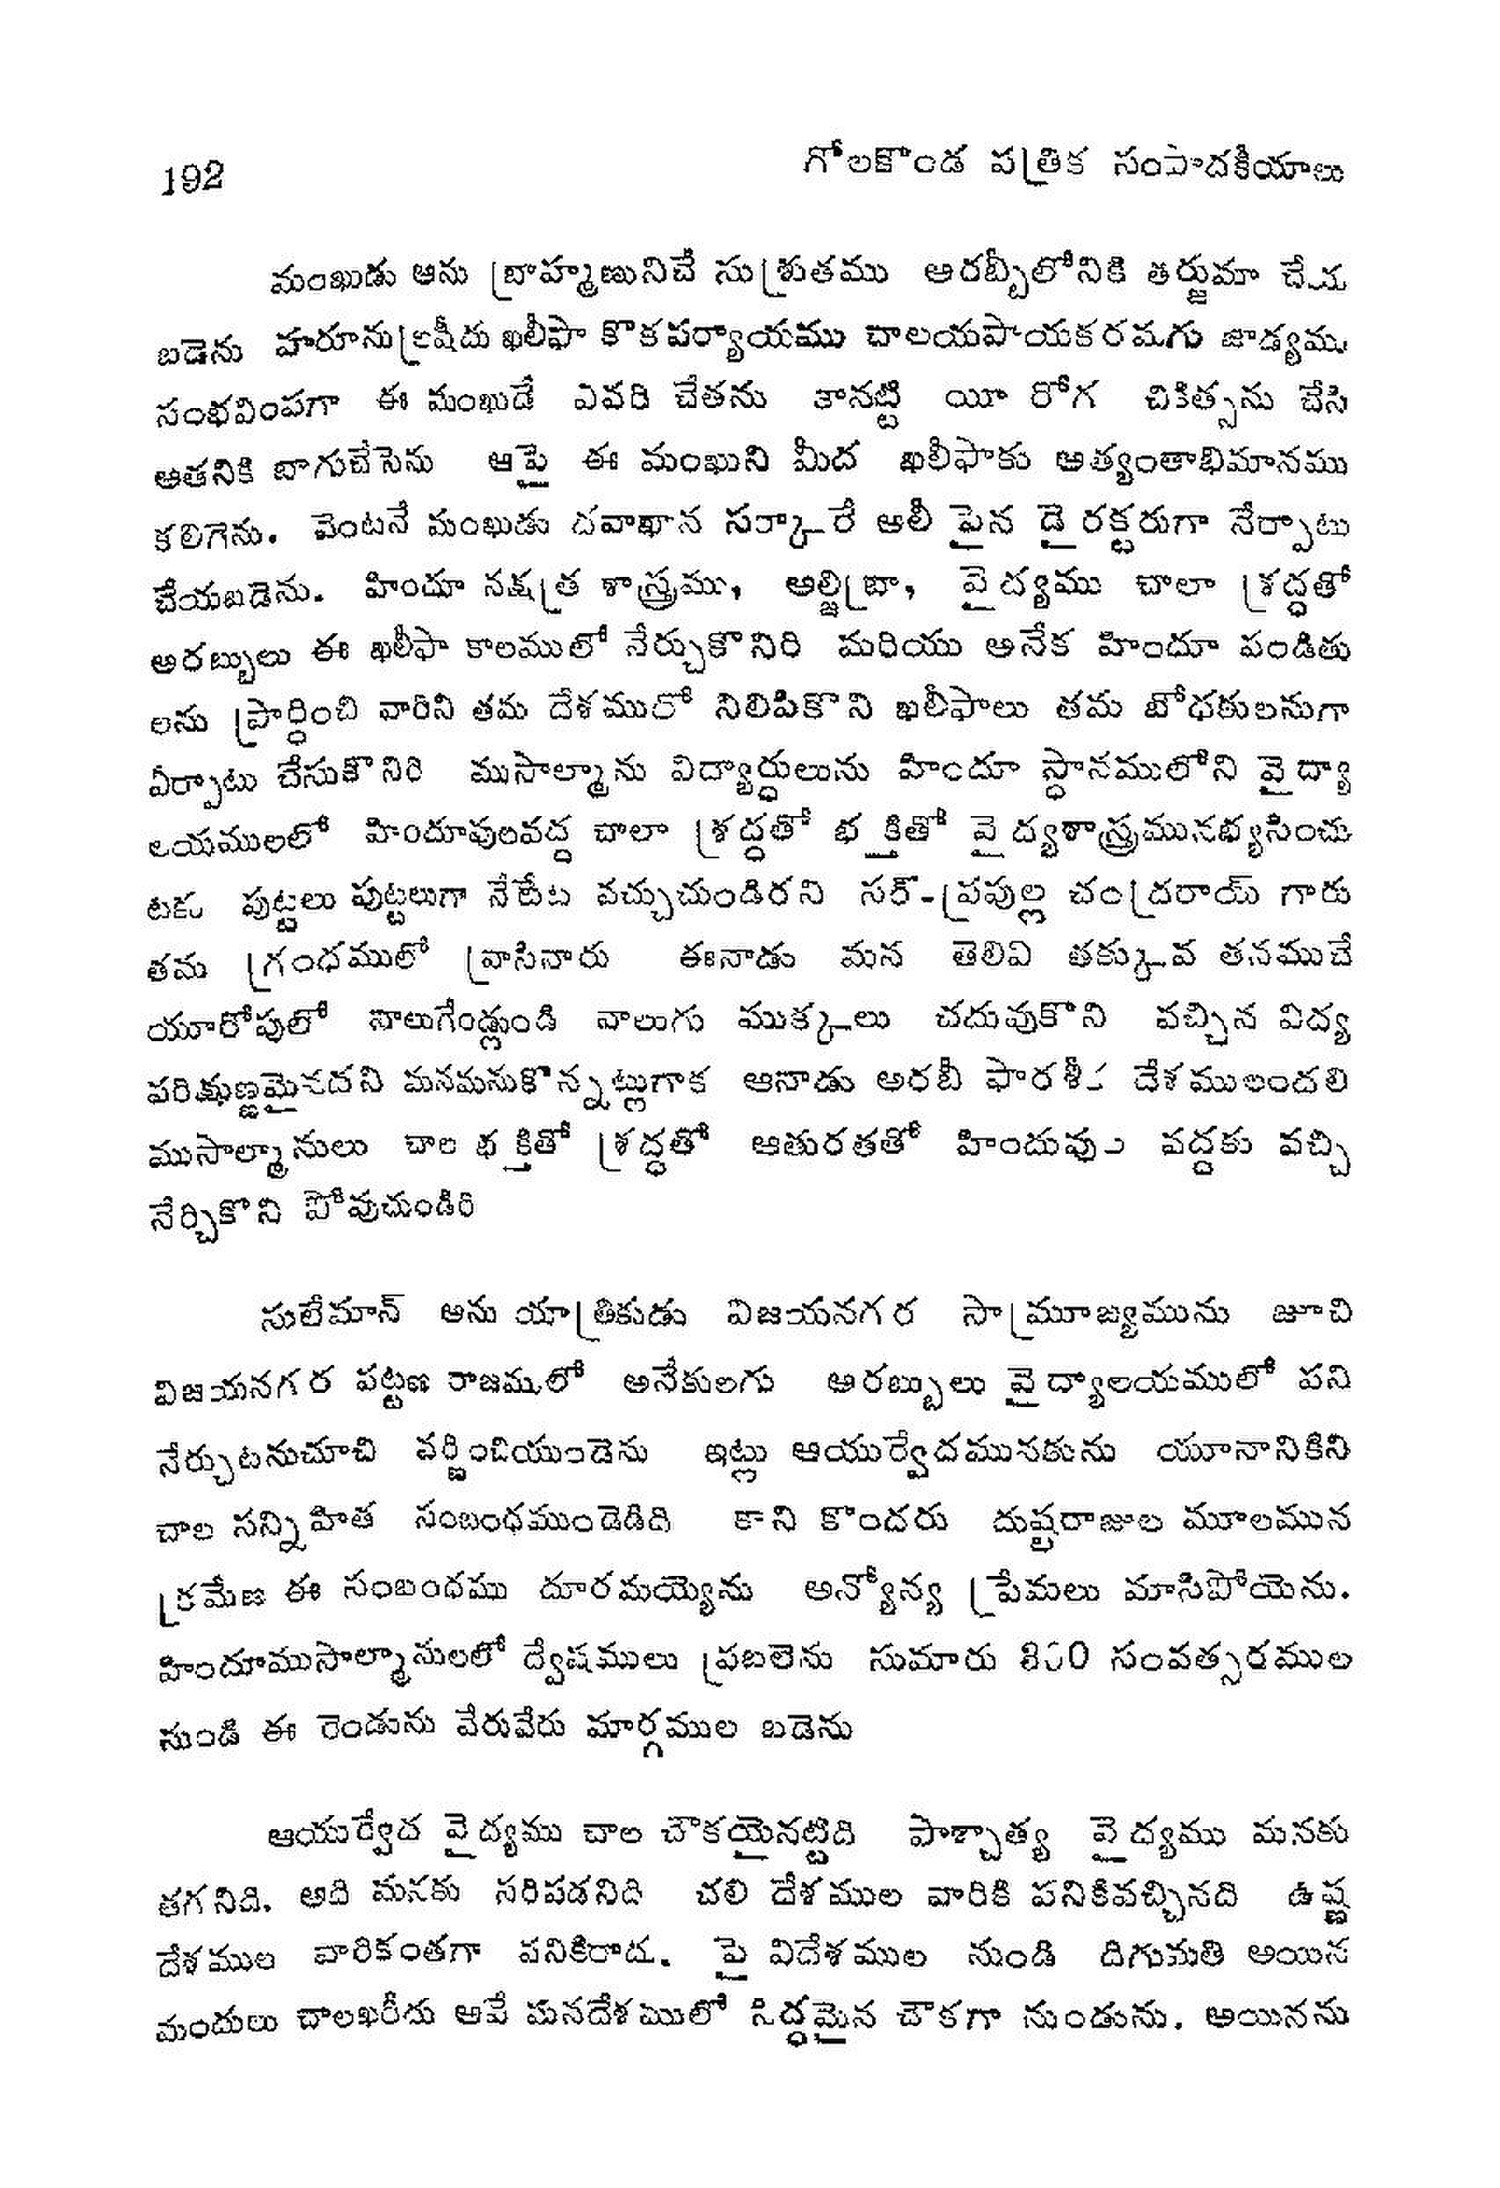మంఖుడు అను బ్రాహ్మణునిచే సుశ్రుతము అరబ్బీలోనికి తర్జుమా చేయబడెను హరూనుబ్రషీదు ఖలీఫా కొక పర్యాయము చాలయపాయకరమగు జాడ్యము సంభవింపగా ఈ మంఖుడే ఎవరి చేతను కానట్టి యీ రోగ చికిత్సను చేసి అతనికి బాగుచేసెను ఆపై ఈ మంఖుని మీద ఖలీఫాకు అత్యంతాభిమానము కలిగెను. వెంటనే మంఖుడు దవాఖాన సర్కారే అలీ పైన డైరక్టరుగా నేర్పాటు చేయబడెను. హిందూ నక్షత్ర శాస్త్రము, అల్జీబ్రా, వైద్యము చాలా శ్రద్ధతో అరబ్బులు ఈ ఖలీఫా కాలములో నేర్చుకొనిరి మరియు అనేక హిందూ పండితులను ప్రార్ధించి వారిని తమ దేశములో నిలిపికొని ఖలీఫాలు తమ బోధకులనుగా ఏర్పాటు చేసుకొనిరి ముసాల్మాను విద్యార్థులును హిందూ స్ధానములోని వైద్యాలయములలో హిందూవులవద్ద చాలా శ్రద్ధతో భక్తితో వైద్యశాస్త్రమునభ్యసించుటకు పుట్టలు పుట్టలుగా నేటేట వచ్చుచుండిరని సర్- ప్రపుల్ల చంద్రరాయ్ గారు తమ గ్రంధములో వ్రాసినారు ఈనాడు మన తెలివి తక్కువ తనముచే యూరోపులో నాలుగేండ్లుండి నాలుగు ముక్కలు చదువుకొని వచ్చిన విద్య పరిక్షుణ్ణమైనదని మనమనుకొన్నట్లుగాక ఆనాడు అరబీ ఫారశీక దేశములందలి ముసాల్మానులు చాల భ క్తితో శ్రద్ధతో ఆతురతతో హిందువుల వద్దకు వచ్చి నేర్చికొని పోవుచుండిరి

సులేమాన్ అను యాత్రికుడు విజయనగర సామ్రూజ్యమును జూచి విజయనగర పట్టణ రాజములో అనేకులగు అరబ్బులు వైద్యాలయములో పని నేర్చుటనుచూచి వర్ణించియుండెను ఇట్లు ఆయుర్వేదమునకును యూనానికిని చాల సన్నిహిత సంబంధముండెడిది కాని కొందరు దుష్టరాజుల మూలమున క్రమేణ ఈ సంబంధము దూరమయ్యెను అన్యోన్య ప్రేమలు మాసిపోయెను. హిందూముసాల్మానులలో ద్వేషములు ప్రబలెను సుమారు 300 సంవత్సరముల నుండి ఈ రెండును వేరువేరు మార్గముల బడెను

ఆయుర్వేద వైద్యము చాల చౌకయైనట్టిది పాశ్చాత్య వైద్యము మనకు తగనిది. అది మనకు సరిపడనిది చలి దేశముల వారికి పనికివచ్చినది ఉష్ణ దేశముల వారికంతగా పనికిరాదు. పై విదేశముల నుండి దిగుమతి అయిన మందులు చాలఖరీదు అవే మనదేశములో సిద్ధమైన చౌకగా నుండును. అయినను